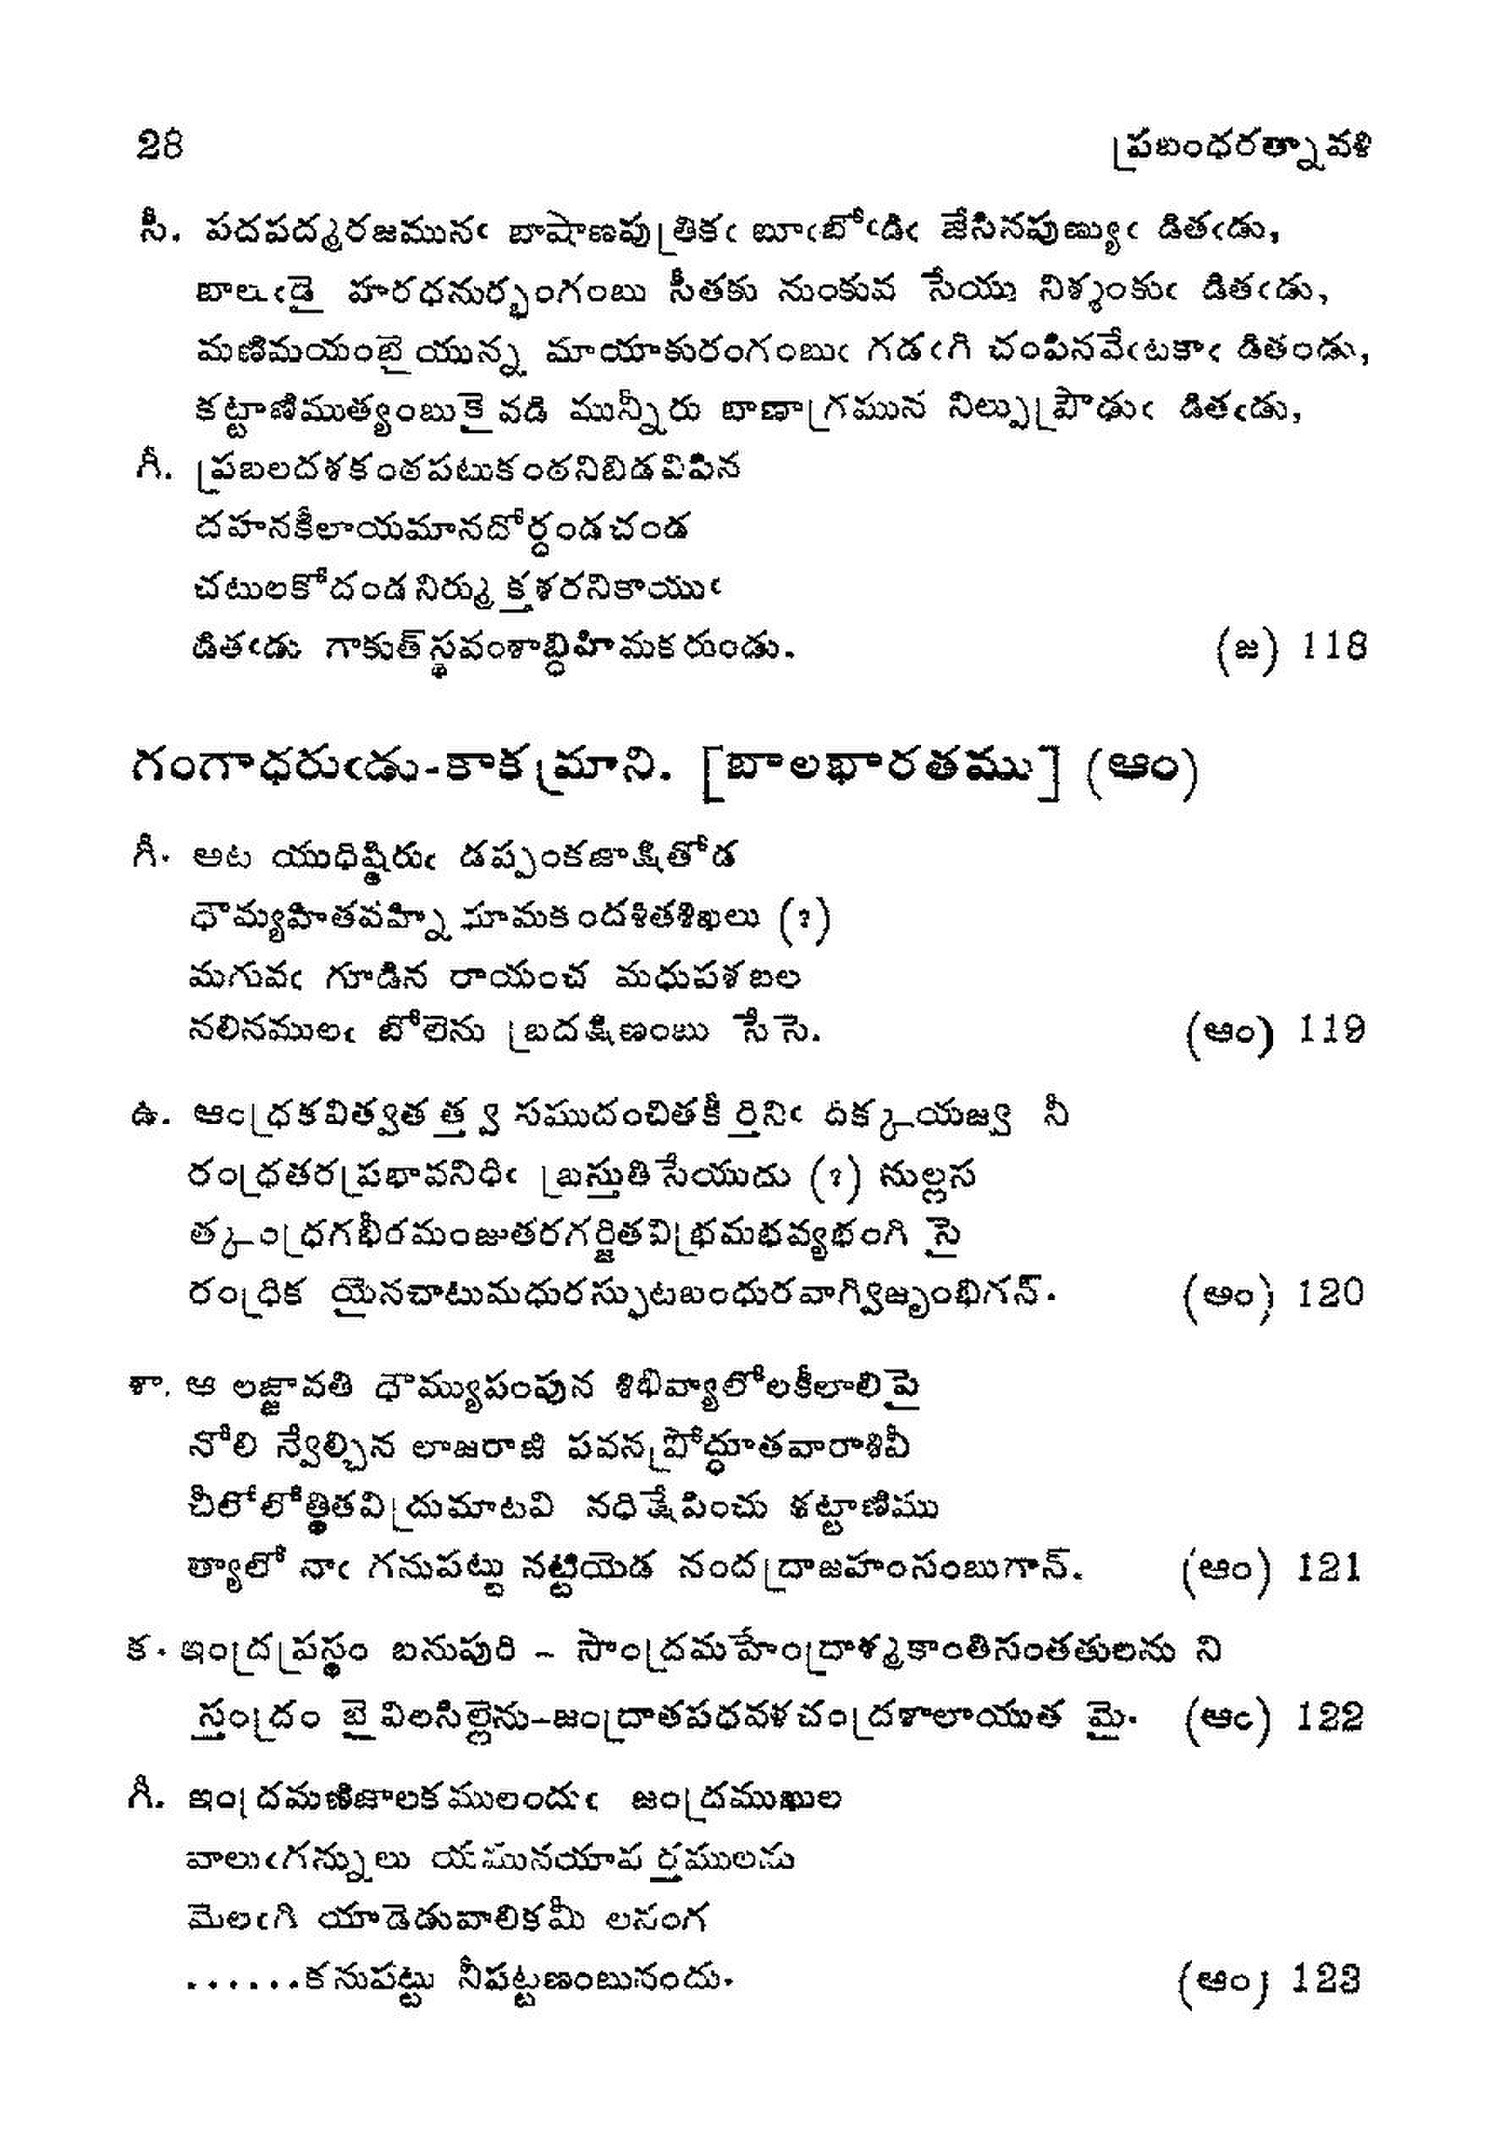సీ. పదపద్మరజమునఁ బాషాణపుత్రికఁ బూఁబోఁడిఁ జేసిన పుణ్యుఁ డితఁడు
బాలుఁడై హరధనుర్భంగంబు సీతకు నుంకువ సేయు నిశ్శంకుఁ డితఁడు
మణిమయంబై యున్న మాయాకురంగంబుఁ గడఁగి చంపిన వేఁటకాఁ డితండు
కట్టాణిముత్యంబు కైవడి మున్నీరు బాణాగ్రమున నిల్పు ప్రౌఢుఁ డితఁడు
తే. ప్రబలదశకంఠ పటుకంఠనిబిడవిపిన
దహన కీలాయమానదోర్దండచండ
చటులకోదండ నిర్ముక్తశరనికాయుఁ
డితఁడు కాకుత్స్థవంశాబ్ధి హిమకరుండు. (జ) 118

గీ. అట యుధిష్ఠిరుఁ డప్పంకజాక్షితోడ
ధౌమ్యహితవహ్ని ధూమకందళితశిఖలు[?]
మగువఁ గూడిన రాయంచ మధుపశబల
నలినములఁ బోలెను బ్రదక్షిణంబు సేసె. (ఆం) 119

ఉ. ఆంధ్రకవిత్వతత్త్వ సముదంచితకీర్తినిఁ దిక్కయజ్వ నీ
రంధ్రతరప్రభావనిధిం బ్రస్తుతిసేయుఁదు [?] నుల్ల స
త్కంధ్రగభీరమంజుతర గర్జిత విభ్రమభవ్యభంగి సై
రంధ్రికయైన చాటుమధురస్ఫుటబంధుర వాగ్విజృంభిగన్. (ఆం) 120

శా. ఆ లజ్జావతి ధౌమ్యుపంపున శిఖివ్యాలోలకీలాలిపై
నోలి న్వేల్చిన లాజరాజి పవనప్రోద్ధూతవారాశి వీ
చీలోలోత్థితవిద్రుమాటవి నధిక్షేపించు కట్టాణి ము
త్యాలో నాఁ గనుపట్టె నట్టియెడ నందద్రాజహంసంబుగాన్. (ఆం) 121

క. ఇంద్రప్రస్థం బనుపురి
సాంద్రమహేంద్రాశ్మకాంతిసంతతులను ని
స్తంద్రంబై విలసిల్లెను
జంద్రాతప ధవళచంద్రశాలాయుతమై. (ఆం) 122

గీ. ఇంద్రమణిజాలకములందుఁ జంద్రముఖుల
వాలుఁగన్నులు యమునయావర్తములను
మెలఁగి యాడెడు వాలికమీ లనంగ
......... కనుపట్టు నీ పట్టణంబునందు. (ఆం) 123